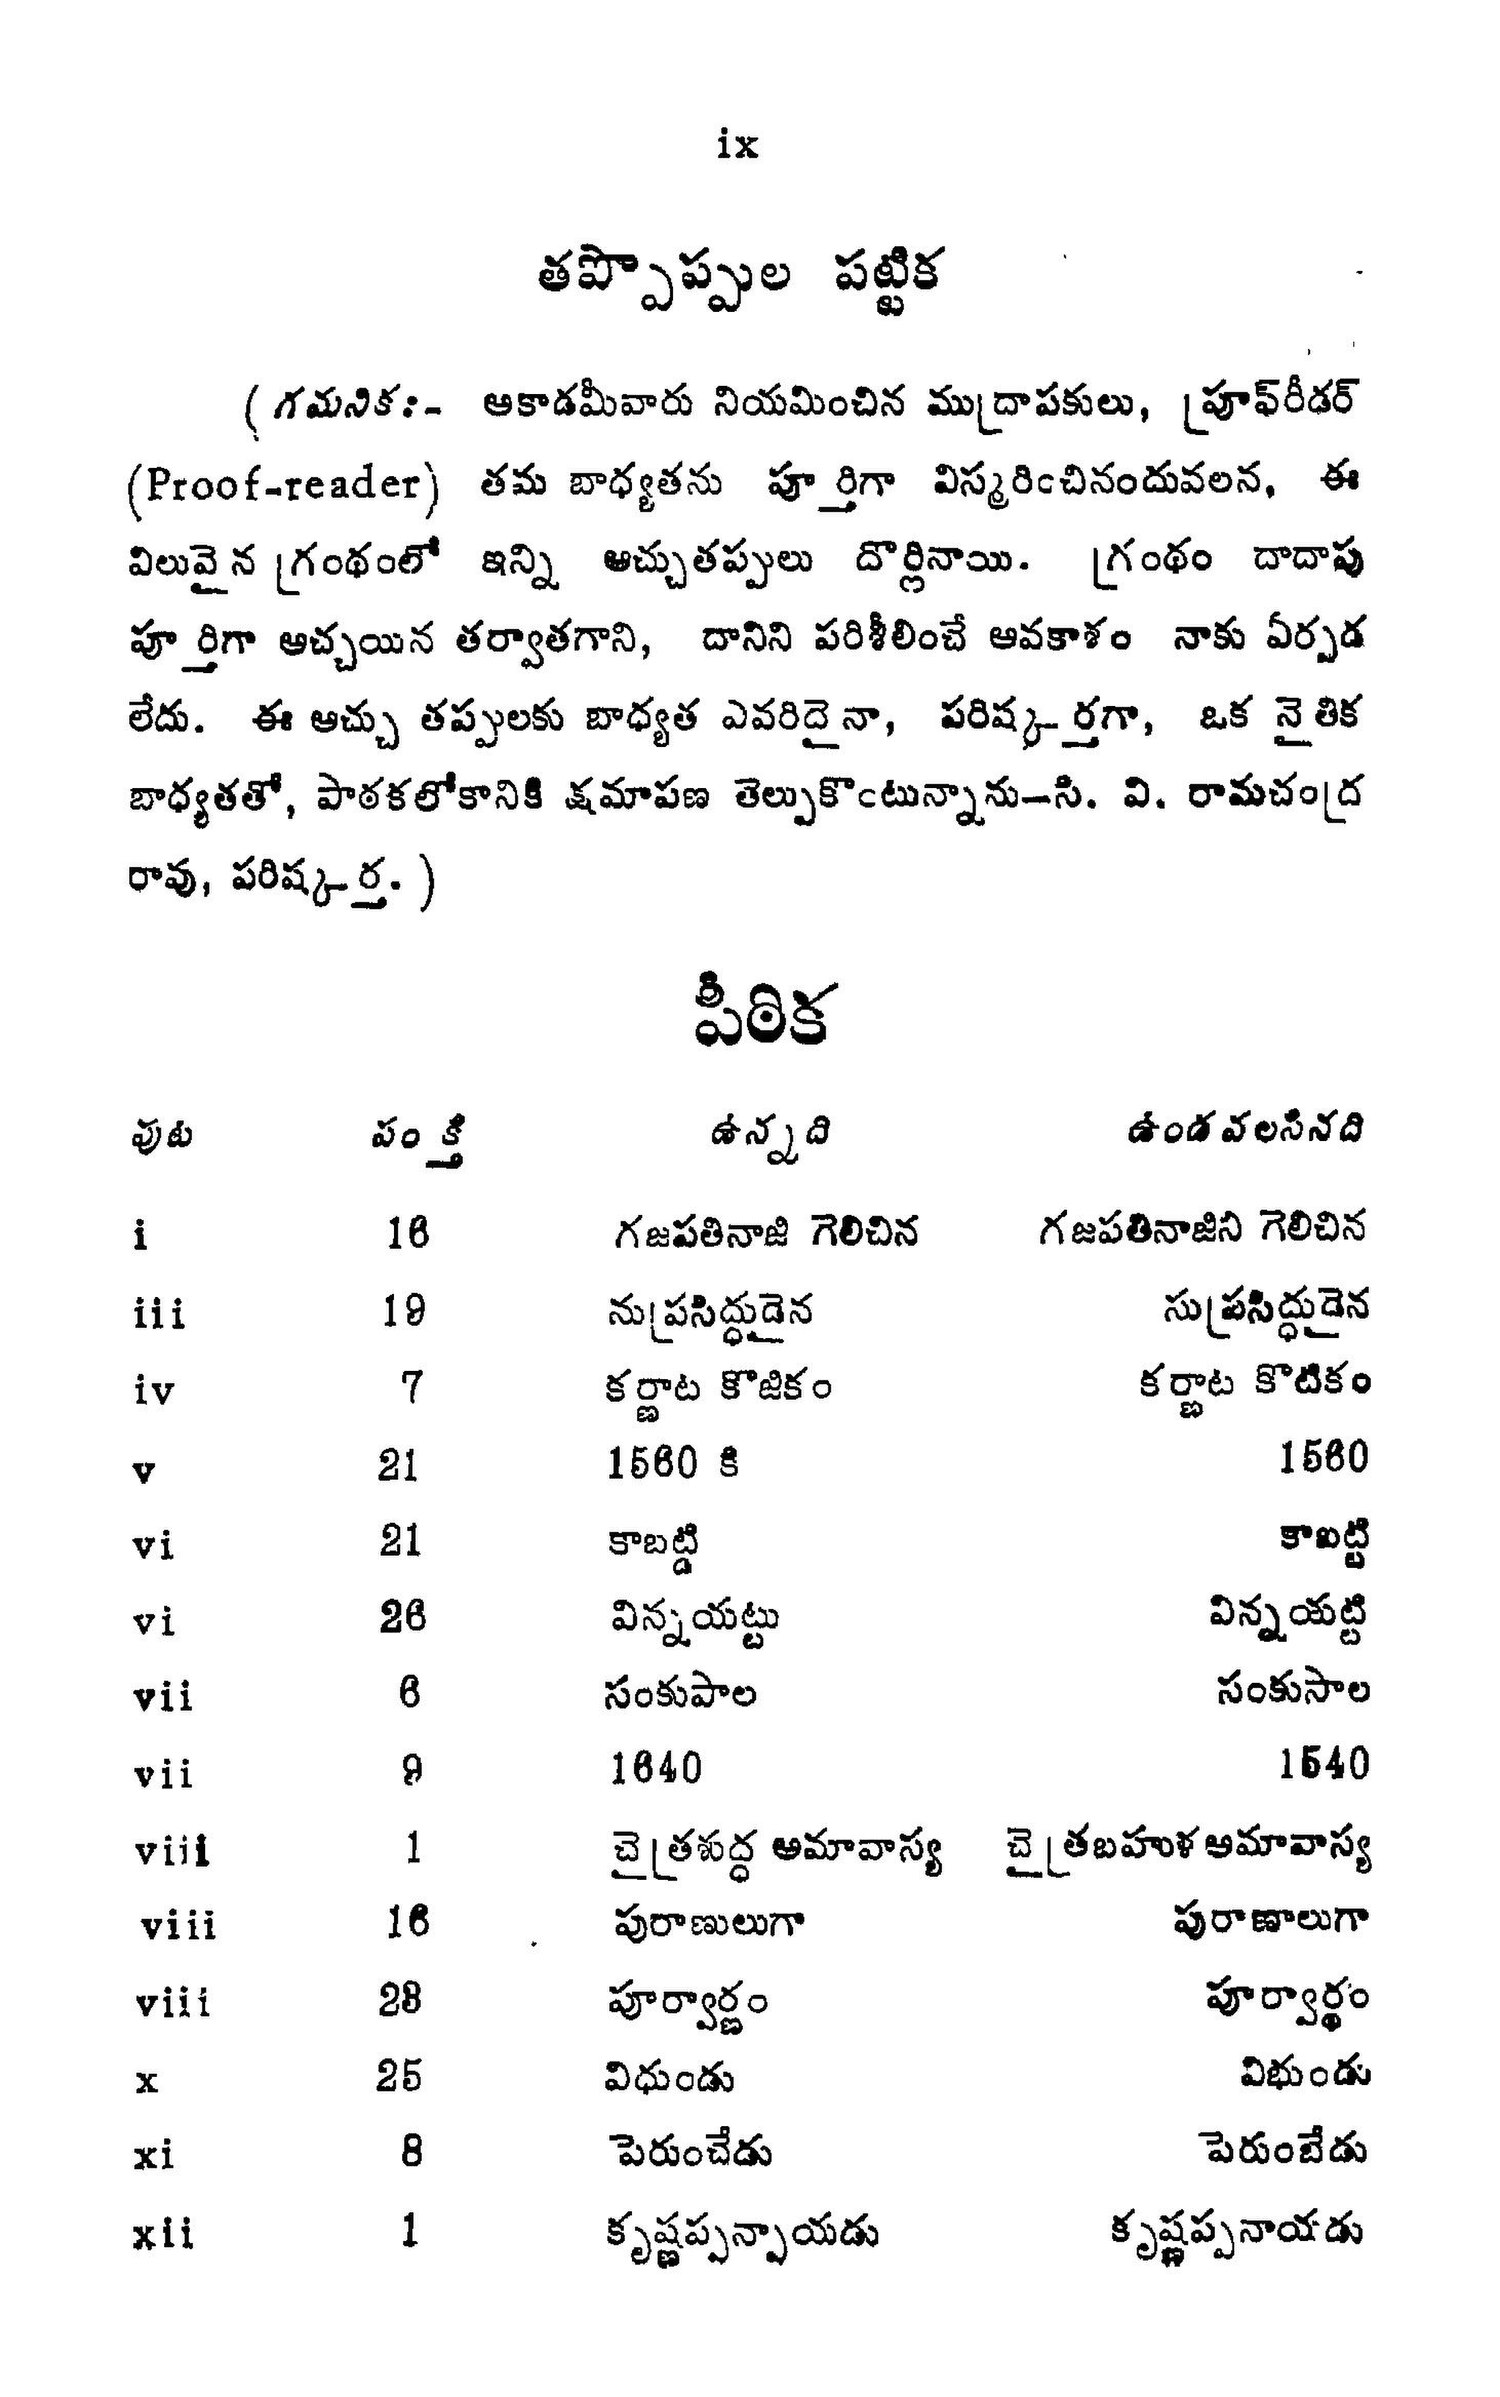(గమనిక:- అకాడమీవారు నియమించిన ముద్రాపకులు, ప్రూఫ్ రీడర్ (Proof-reader) తమ బాధ్యతను పూర్తిగా విస్మరించినందువలన, ఈ విలువైన గ్రంథంలో ఇన్ని అచ్చుతప్పులు దొర్లినాయి. గ్రంథం దాదాపు పూర్తిగా అచ్చయిన తర్వాతగాని, దానిని పరిశీలించే అవకాశం నాకు ఏర్పడ లేదు. ఈ అచ్చు తప్పులకు బాధ్యత ఎవరిదైనా, పరిష్కర్తగా, ఒక నైతిక బాధ్యతతో, పాఠకలోకానికి క్షమాపణ తెల్పుకొంటున్నాను- సి. వి. రామచంద్రరావు, పరిష్కర్త.)

+ పీఠిక పుట పంక్తి ఉన్నది ఉండవలసినది i 16 గజపతినాజి గెలిచిన గజపతినాజిని గెలిచిన iii 19 నుప్రసిద్ధుడైన సుప్రసిద్ధుడైన iv 7 కర్ణాట కొజికం కర్ణాట కోటికం v 21 1560 కి 1560 vi 21 కాబట్టి కాబట్టి vi 26 విన్నయట్టు విన్నయట్టి vii 6 సంకుపాల సంకుసాల vii 9 1640 1540 viii 1 చైత్రశుద్ధ అమావాస్య చైత్రబహుళ అమావాస్య viii 16 పురాణులుగా పురాణాలుగా viii 23 పూర్వార్థం పూర్వార్థం x 25 విధుండు విభుండు xi 8 పెరుంచేడు పెరుంబేడు xii 1 కృష్ణప్పన్పాయడు కృష్ణప్పనాయడు